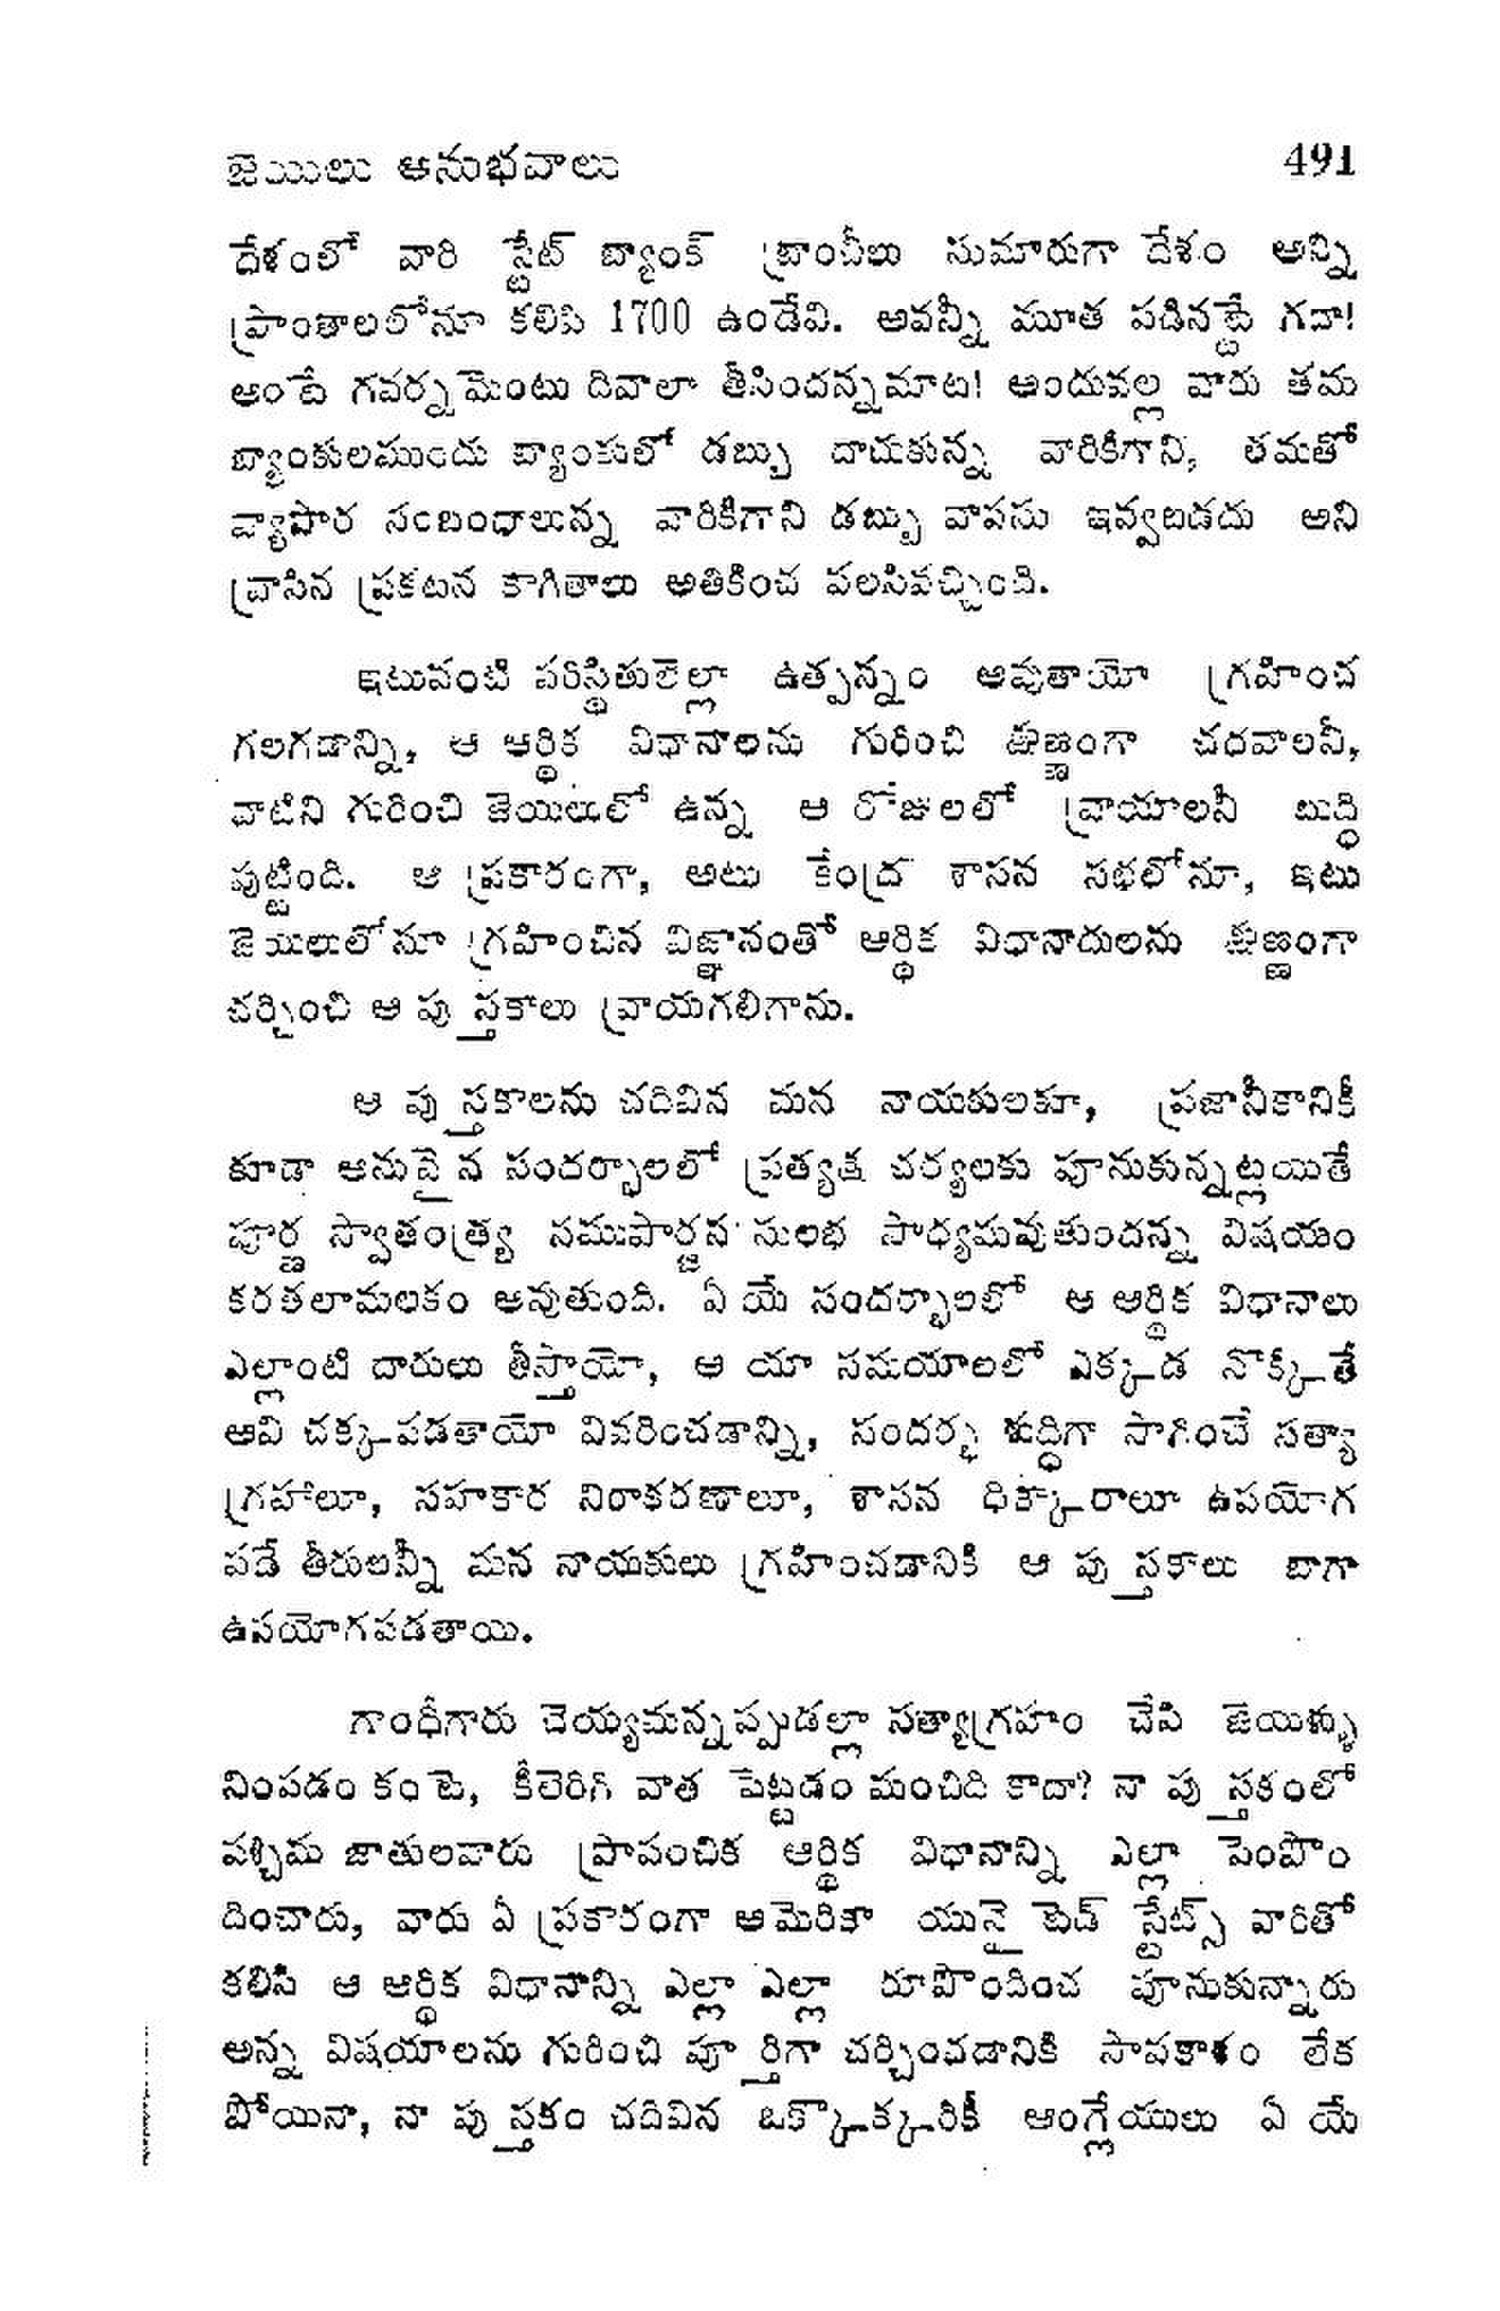దేశంలో వారి స్టేట్ బ్యాంక్ బ్రాంచీలు సుమారుగా దేశం అన్ని ప్రాంతాలలోనూ కలిపి 1700 ఉండేవి. అవన్నీ మూత పడినట్టే గదా! అంటే గవర్నమెంటు దివాలా తీసిందన్నమాట! అందువల్ల వారు తమ బ్యాంకులముందు బ్యాంకులో డబ్బు దాచుకున్న వారికిగాని, తమతో వ్యాపార సంబంధాలున్న వారికిగాని డబ్బు వాపసు ఇవ్వబడదు అని వ్రాసిన ప్రకటన కాగితాలు అతికించ వలసివచ్చింది.

ఇటువంటి పరిస్థితులెల్లా ఉత్పన్నం అవుతాయో గ్రహించ గలగడాన్ని, ఆ ఆర్థిక విధానాలను గురించి క్షుణ్ణంగా చదవాలనీ, వాటిని గురించి జెయిలులో ఉన్న ఆ రోజులలో వ్రాయాలనీ బుద్ధి పుట్టింది. ఆ ప్రకారంగా, అటు కేంద్ర శాసన సభలోనూ, ఇటు జెయిలులోనూ గ్రహించిన విజ్ఞానంతో ఆర్థిక విధానాదులను క్షుణ్ణంగా చర్చించి ఆ పుస్తకాలు వ్రాయగలిగాను.

ఆ పుస్తకాలను చదివిన మన నాయకులకూ, ప్రజానీకానికీ కూడా అనువైన సందర్భాలలో ప్రత్యక్ష చర్యలకు పూనుకున్నట్లయితే పూర్ణ స్వాతంత్ర్య సముపార్జన సులభ సాధ్యమ వుతుందన్న విషయం కరతలామలకం అవుతుంది. ఏ యే సందర్భాలలో ఆ ఆర్థిక విధానాలు ఎల్లాంటి దారులు తీస్తాయో, ఆ యా సమయాలలో ఎక్కడ నొక్కితే అవి చక్కపడతాయో వివరించడాన్ని, సందర్భ శుద్ధిగా సాగించే సత్యాగ్రహాలూ, సహకార నిరాకరణాలూ, శాసన ధిక్కారాలూ ఉపయోగపడే తీరులన్నీ మన నాయకులు గ్రహించడానికి ఆ పుస్తకాలు బాగా ఉపయోగ పడతాయి.

గాంధీగారు చెయ్యమన్నప్పుడల్లా సత్యాగ్రహం చేసి జెయిళ్ళు నింపడం కంటె, కీలెరిగి వాత పెట్టడం మంచిది కాదా? నా పుస్తకంలో పశ్చిమ జాతులవారు ప్రాపంచిక ఆర్థిక విధానాన్ని ఎల్లా పెంపొందించారు, వారు ఏ ప్రకారంగా అమెరికా యునైటెడ్ స్టేట్స్ వారితో కలిసి ఆ ఆర్థిక విధానాన్ని ఎల్లా ఎల్లా రూపొందించ పూనుకున్నారు అన్న విషయాలను గురించి పూర్తిగా చర్చించడానికి సావకాశం లేక పోయినా, నా పుస్తకం చదివిన ఒక్కొక్కరికీ ఆంగ్లేయులు ఏ యే